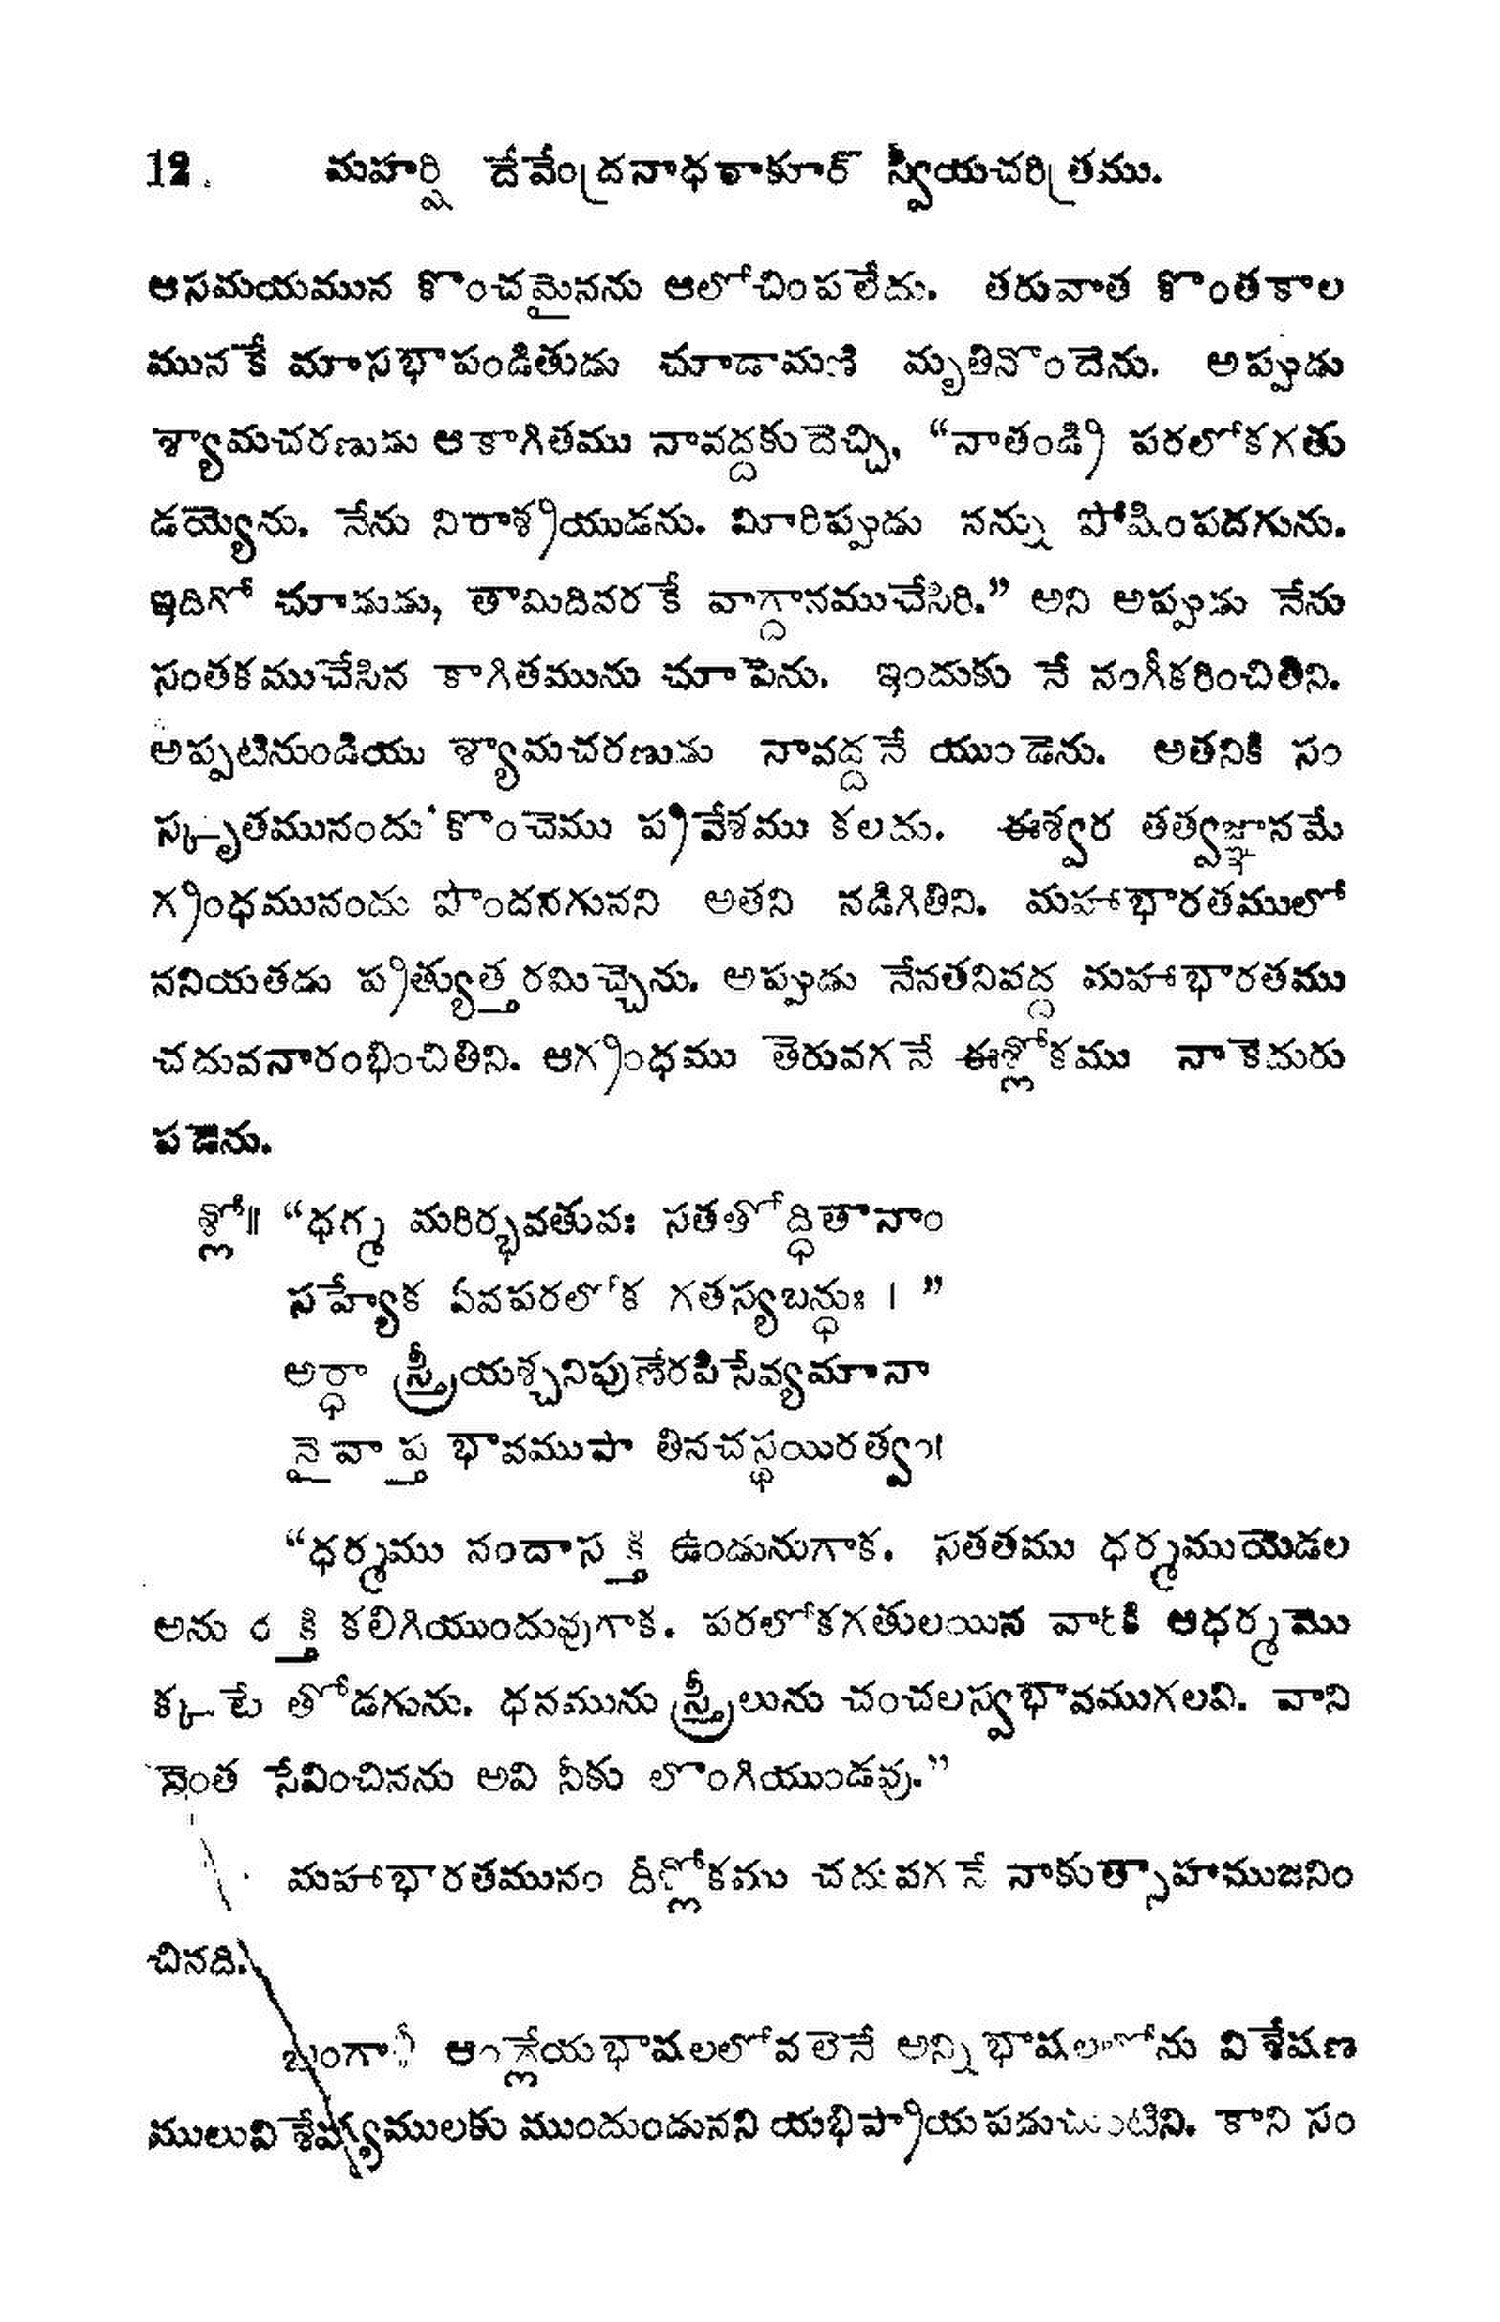ఆసమయమున కొంచమైనను ఆలోచింపలేదు. తరువాత కొంతకాల మునకే మాసభాపండితుడు చూడామణి మృతినొందెను. అప్పుడు శ్యామచరణుడు ఆ కాగితము నావద్దకు దెచ్చి, “నాతండ్రి పరలోకగతు డయ్యెను. నేను నిరాశ్రయుడను. మీరిప్పుడు నన్ను పోషింపదగును. ఇదిగో చూడుడు, తామిదినరకే వాగ్దానముచేసిరి.” అని అప్పుడు నేను సంతకము చేసిన కాగితమును చూపెను. ఇందుకు నేనంగీక రించితిని. అప్పటి నుండియు శ్యామచరణుకు నావద్దనే యుండెను. అతనికి సంస్కృతమునందు కొంచెము ప్రవేశము కలదు. ఈశ్వర తత్వ నమే గ్రంధమునందు పొందనగునని అతని నడిగితిని, మహా భారతములోనని యతడు ప్రత్యుత్తరమిచ్చెను. అప్పుడు నేనతనివద్ద మహా భారతము చదువ నారంభించితిని. ఆగ్రంధము తెరువగనే ఈశ్లోకము నా కెదురు పడెను. 

శ్లో| 'ధర్మ మరిర్భవతునః సతతోద్ధితానాం
సహ్యేక ఏవ పరలోక గతస్య బద్దు: 
అర్ధా స్త్రీయశ్చనపు నేరపి సేవ్యమానా 
నై వాస్త భావముపాతిన చస్థయిరత్వం"

“ధర్మము నందాసక్తి ఉండునుగాక. సతతము ధర్మము యెడల అనురక్తి కలిగియుందువు గాక. పరలోకగతులయిన వారికి ఆధర్శమొక్కటే తోడగును.
ధనమును స్త్రీలును చంచల స్వభావముగలవి. వాని నెంత సేవించినను అవి నీకు లొంగియుండవు. "

మహాభారతము నందీశ్లోకము చదువగనే నాకుత్సాహము జనించినది.

బంగాలీ ఆంగ్లేయ భాషలలో వలెనే అన్ని భాషలను విశేషణ ములు విశేష్యములకు ముందుండునని యభిప్రాయ పడుచుంటిని. కాని సం